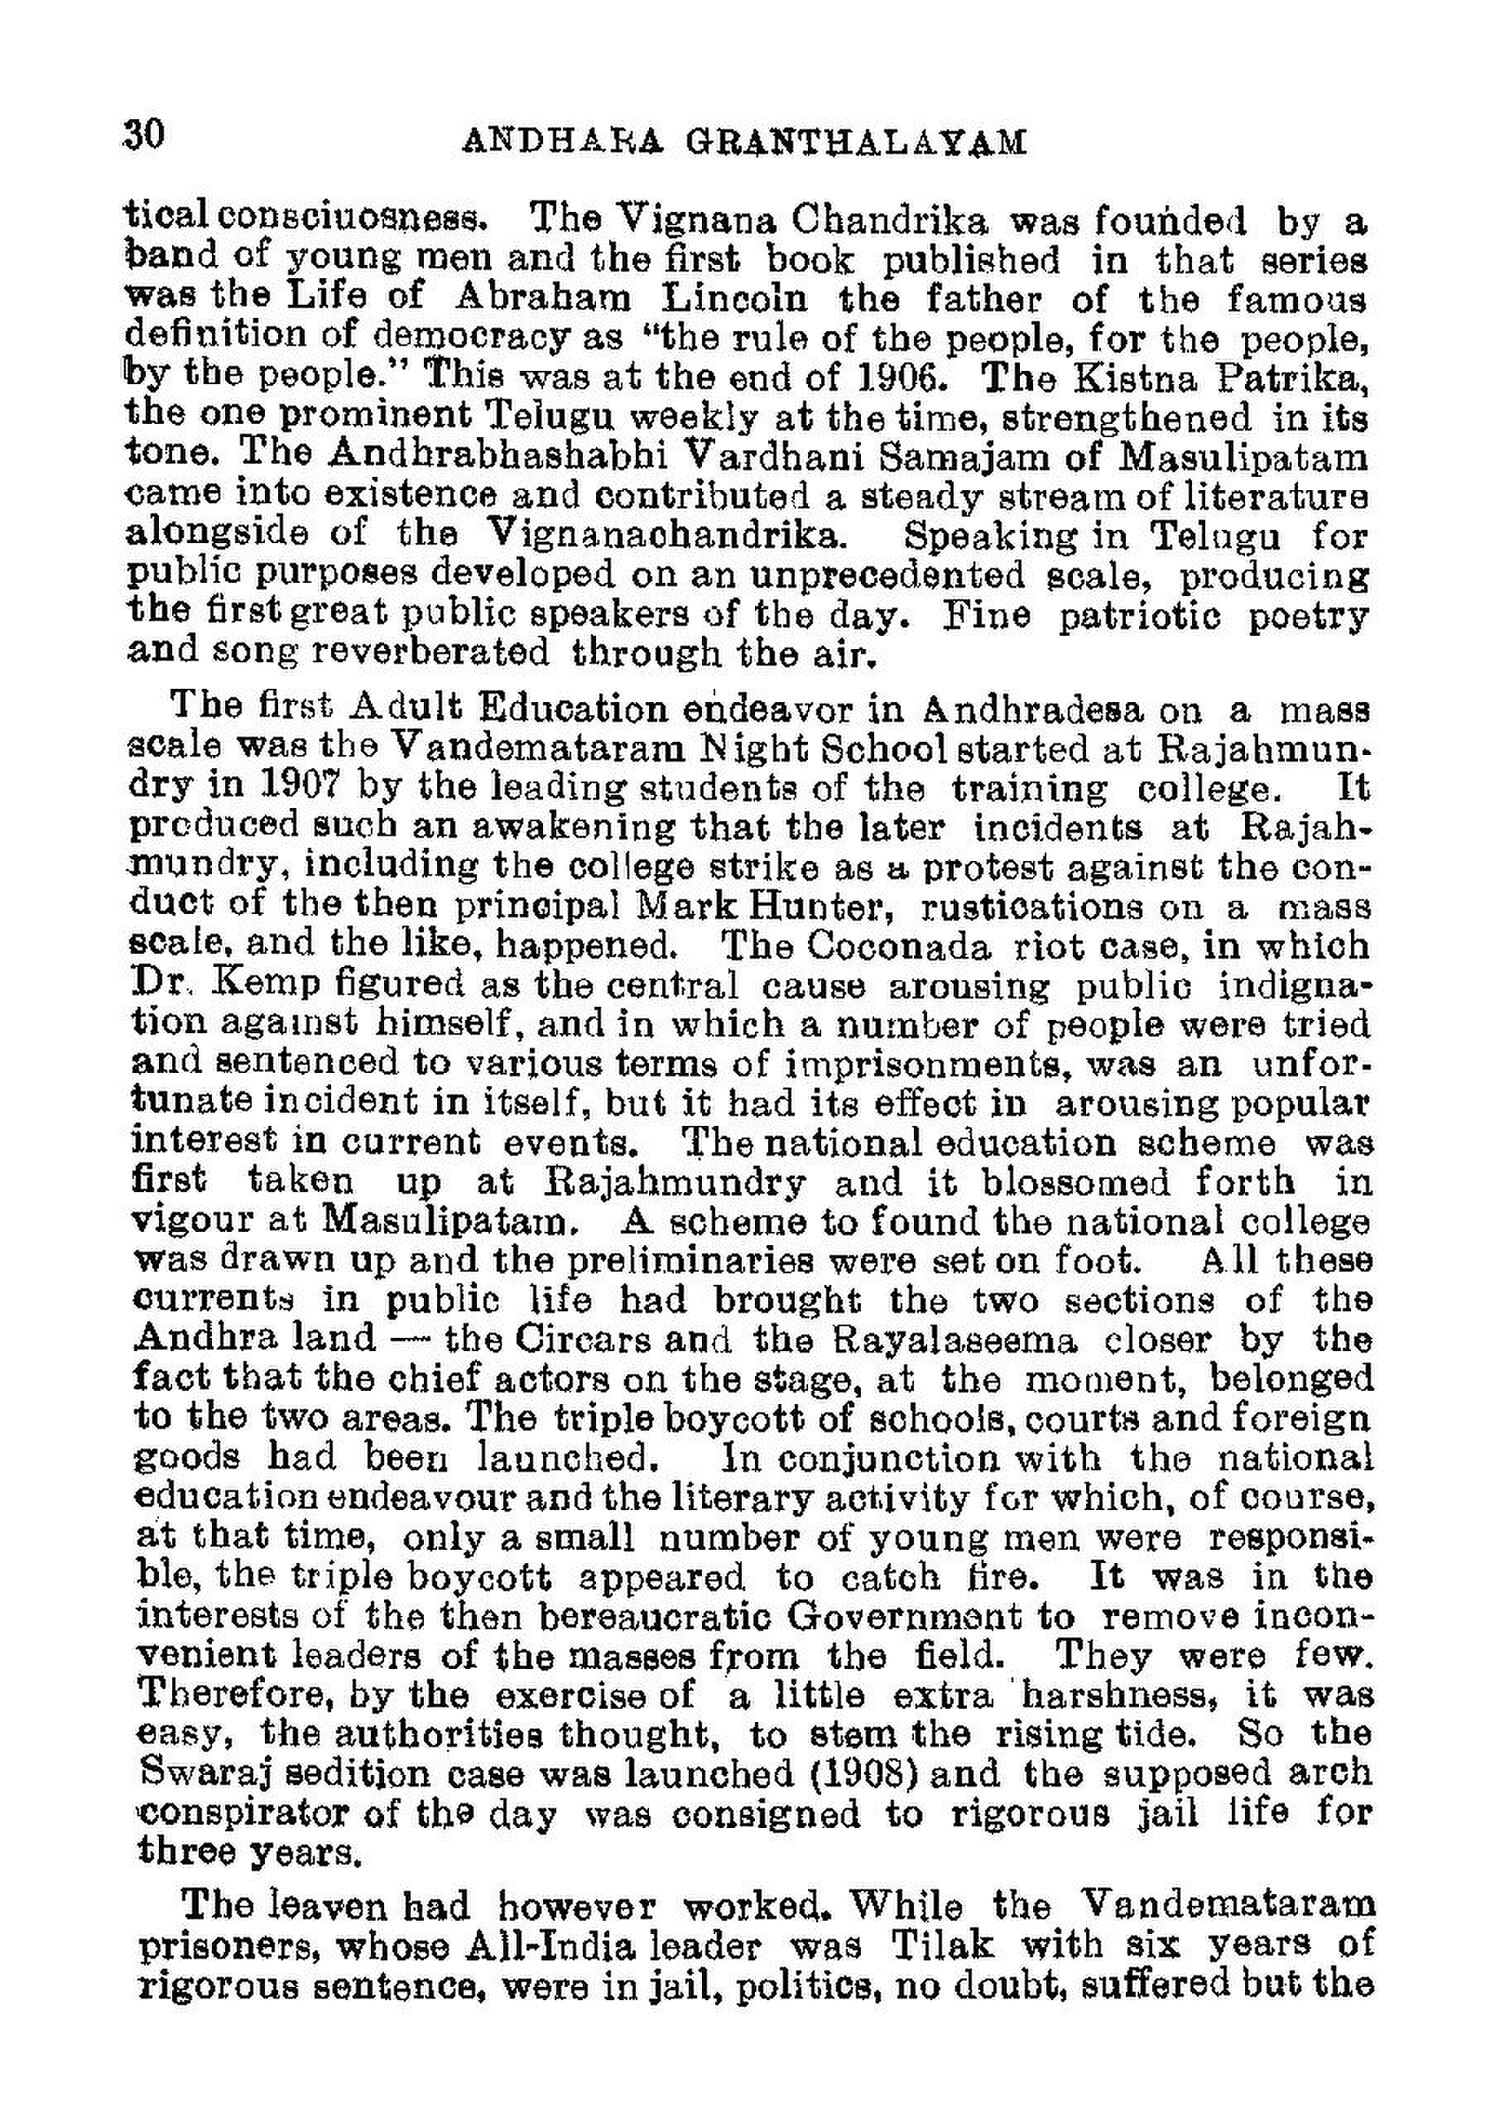tical consciousness. The Vignana Chandrika was founded by a band of young men and the first book published in that series was the Life of Abraham Lincoln the father of the famous definition of democracy as "the rule of 
the people, for the people, by the people." This was at the end of 1906. The Kistna Patrika, the one prominent Telugu weekly at the time, strengthened in its tone. The Andhrabhashabhi Vardhani Samajam of Masulipatam came into existence and contributed a steady stream of literature alongside of the Vignana Chandrika. Speaking in Telugu for
public purposes developed on an unprecedented scale, producing the first great public speakers of the day. Fine patriotic poetry and song reverberated through the air.

The first Adult Education endeavor in Andhradesa on a mass scale was the Vandemataram Night School started at Rajahmundry in 1907 by the leading students of the training college. It produced such an awakening that the later incidents at Rajahmundry, including the college strike as a protest against the conduct of the then principal 
Mark Hunter, rustications on a mass scale, and the like, happened. The Coconada riot case, in which Dr. Kemp figured as the central cause arousing public indignation against himself, and in which a number of people were tried and sentenced to various terms of imprisonments, was an unfortunate incident in itself, but it had its 
effect in arousing popular interest in current events. The national education scheme was first taken up at Rajahmundry and it blossomed forth in vigor at Masulipatam. A scheme to found the national college was drawn 
up and the preliminaries were set on foot. All these currents in public life had brought the two sections of the
Andhra land the Circars and the Rayalaseema closer by the fact that the chief actors on the stage, at the moment, belonged to the two areas. The triple boycott of schools, courts and foreign goods had been launched. In conjunction with the national education endeavor and the literary activity for which, of course, at that time, 
only a small number of young men were responsible, the triple boycott appeared to catch fire. It was in the
interests of the then bureaucratic Government to remove inconvenient leaders of the masses from the field. They were few. Therefore, by the exercise of a little extra harshness, it was easy, the authorities thought, to stem 
the rising tide. So the Swaraj sedition case was launched (1908) and the supposed arch conspirator of the day was consigned to rigorous jail life for three years.

The leaven had however worked. While the Vandemataram prisoners, whose All-India leader was Tilak with six years 
of rigorous sentence, were in jail, politics, no doubt, suffered but the